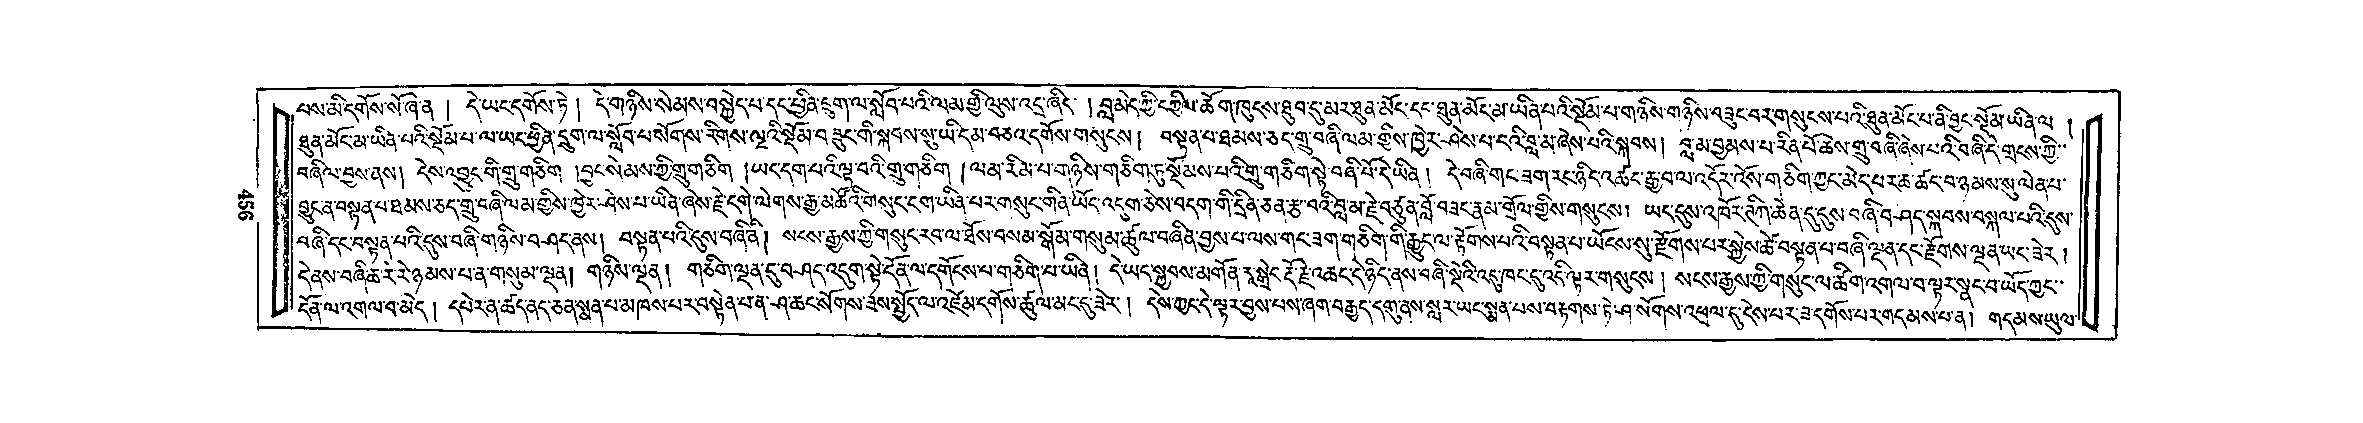པས་མི་དགོས་སོ་ཞེ་ན། དེ་ཡང་དགོས་ཏེ། དེ་གཉིས་སེམས་བསྐྱེད་པ་དང་ཕྱིན་དྲུག་ལ་སློབ་པའི་ལམ་གྱི་ལུས་འདྲ་ཞིང་། བླ་མེད་ཀྱི་དཀྱིལ་ཆོག་ཁུངས་ཐུབ་དུ་མར་ཐུན་མོང་དང་ཐུན་མོང་མ་ཡིན་པའི་སྡོམ་པ་གཉིས་གཉིས་བཟུང་བར་གསུངས་པའི་ཐུན་མོང་པ་ནི་བྱང་སྡོམ་ཡིན་ལ།
ཐུན་མོང་མ་ཡིན་པའི་སྡོམ་པ་ལ་ཡང་ཕྱིན་དྲུག་ལ་སློབ་པ་སོགས་རིགས་ལྔའི་སྡོམ་བཟུང་གི་སྐབས་སུ་ཡི་དམ་བཅའ་དགོས་གསུངས། བསྟན་པ་ཐམས་ཅད་གྲུ་བཞི་ལམ་གྱིས་ཁྱེར་ཤེས་པ་ངའི་བླ་མ་ཞེས་པའི་སྐབས། བླ་མ་བྱམས་པ་རིན་པོ་ཆེས་གྲུ་བཞི་ཞེས་པའི་བཞི་དེ་གྲངས་ཀྱི་
བཞི་ལ་བྱས་ནས། ངེས་འབྱུང་གི་གྲུ་གཅིག །བྱང་སེམས་ཀྱི་གྲུ་གཅིག །ཡང་དག་པའི་ལྟ་བའི་གྲུ་གཅིག །ལམ་རིམ་པ་གཉིས་གཅིག་ཏུ་སྡོམས་པའི་གྲུ་གཅིག་སྟེ་བཞི་པོ་དེ་ཡིན། དེ་བཞི་གང་ཟག་རང་ཉིད་འཚང་རྒྱ་བ་ལ་འདོར་འོས་གཅིག་ཀྱང་མེད་པར་ཆ་ཚང་བ་ཉམས་སུ་ལེན་པ་
བྱུང་ན་བསྟན་པ་ཐམས་ཅད་གྲུ་བཞི་ལམ་གྱིས་ཁྱེར་ཤེས་པ་ཡིན་ཞེས་རྗེ་དགེ་ལེགས་རྒྱ་མཚོའི་གསུང་ངག་ཡིན་པར་གསུང་གིན་ཡོད་འདུག་ཅེས་བདག་གི་དྲིན་ཅན་རྩ་བའི་བླ་མ་རྗེ་བཙུན་བློ་བཟང་རྣམ་གྲོལ་གྱིས་གསུངས། ཡང་དུས་འཁོར་ཊིཀ་ཆེན་དུ་དུས་བཞི་བཤད་སྐབས་བསྐལ་པའི་དུས་
བཞི་དང་བསྟན་པའི་དུས་བཞི་གཉིས་བཤད་ནས། བསྟན་པའི་དུས་བཞི་ནི། སངས་རྒྱས་ཀྱི་གསུང་རབ་ལ་ཐོས་བསམ་སྒོམ་གསུམ་ཚུལ་བཞིན་བྱས་པ་ལས་གང་ཟག་གཅིག་གི་རྒྱུད་ལ་རྟོགས་པའི་བསྟན་པ་ཡོངས་སུ་རྫོགས་པར་སྐྱེས་ཚེ་བསྟན་པ་བཞི་ལྡན་དང་རྫོགས་ལྡན་ཡང་ཟེར།
དེ་ནས་བཞི་ཆ་རེ་རེ་ཉམས་པ་ན་གསུམ་ལྡན། གཉིས་ལྡན། གཅིག་ལྡན་དུ་བཤད་འདུག་སྟེ་དོན་ལ་དགོངས་པ་གཅིག་པ་ཡིན། དེ་ཡང་སྐྱབས་མགོན་རཱ་སྒྲེང་རྡོ་རྗེ་འཆང་དེ་ཉིད་ནས་བཞི་སྡེའི་འདུ་ཁང་དུ་འདི་ལྟར་གསུངས། སངས་རྒྱས་ཀྱི་གསུང་ལ་ཚིག་འགལ་བ་ལྟར་སྣང་བ་ཡོད་ཀྱང་
དོན་ལ་འགལ་བ་མེད། དཔེར་ན་ཚད་ནད་ཅན་སྨན་པ་མཁས་པར་བསྟེན་པ་ན་ཤ་ཆང་སོགས་ཟས་སྤྱོད་ལ་འཛེམ་དགོས་ཚུལ་མང་དུ་ཟེར། དེས་ཀྱང་དེ་ལྟར་བྱས་པས་ཞག་བརྒྱད་དགུ་ནས་སླར་ཡང་སྨན་པས་བརྟགས་ཏེ་ཤ་སོགས་འཕྲལ་དུ་ངེས་པར་ཟ་དགོས་པར་གདམས་པ་ན། གདམས་ཡུལ་